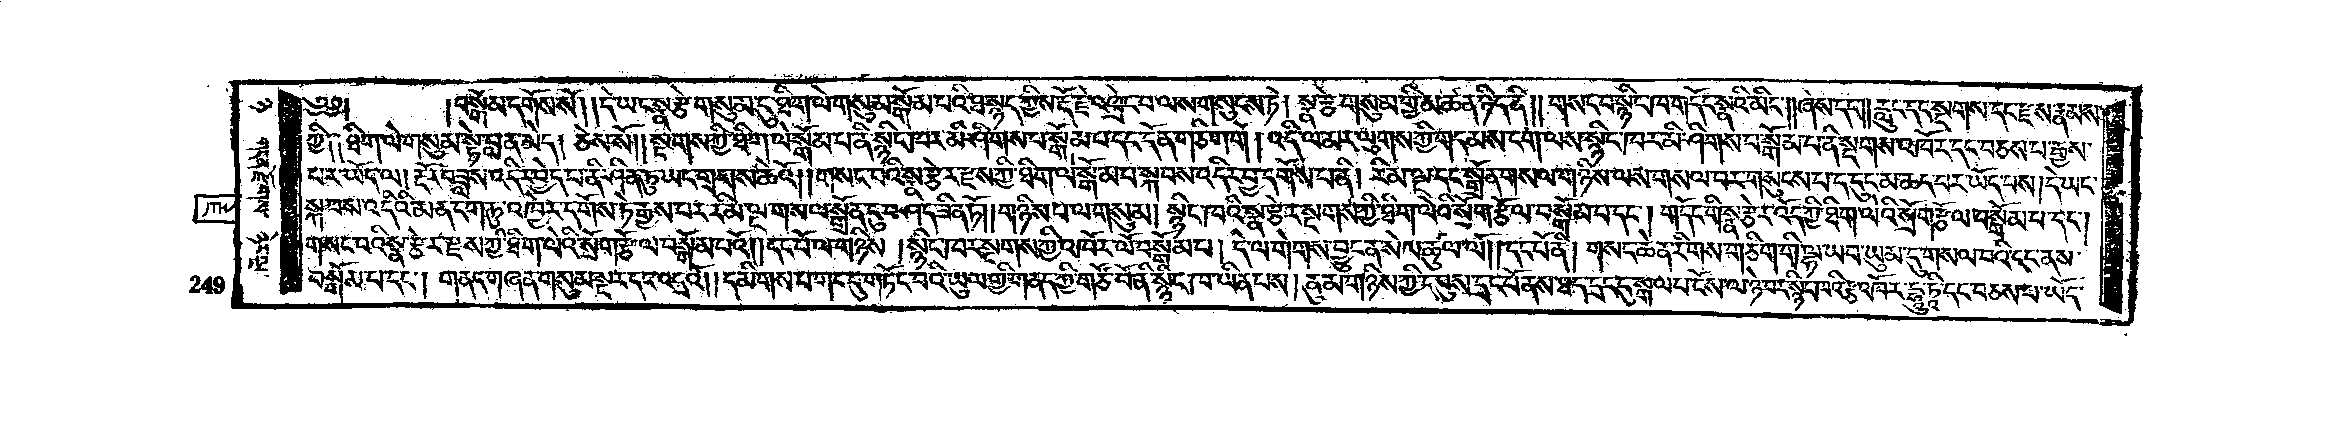༄༅། །བསྒོམ་དགོས་སོ། །དེ་ཡང་སྣ་རྩེ་གསུམ་དུ་ཐིག་ལེ་གསུམ་སྒོམ་པའི་ཐ་སྙད་ཀྱིས་རྡོ་རྗེ་འཕྲེང་བ་ལས་གསུངས་ཏེ། སྣ་རྩེ་གསུམ་གྱི་མཚན་ཉིད་ནི། །གསང་བ་སྙིང་ཁ་གདོང་སྣའི་མིང་། །ཞེས་དང་། །རླུང་དང་སྔགས་དང་རྫས་རྣམས་
ཀྱི༑ ༑ཐིག་ལེ་གསུམ་སྟེ་བླ་ན་མེད། ཅེས་སོ། །སྔགས་ཀྱི་ཐིག་ལེ་སྒོམ་པ་ནི་སྙིང་ཁར་མི་ཤིགས་པ་སྒོམ་པ་དང་དོན་གཅིག་གོ། འདི་ལ་མར་ལུགས་ཀྱི་གདམས་ངག་ལས་སྙིང་ཁར་མི་ཤིགས་པ་སྒོམ་པ་ནི་སྔགས་འཁོར་དང་བཅས་པ་རྒྱས་
པར་ཡོད་ལ། རྡོར་བཟླས་འདིར་བྱེད་པ་ནི་ཤིན་ཏུ་ཡང་གྲགས་ཆེའོ། །གསང་བའི་སྣ་རྩེར་རྫས་ཀྱི་ཐིག་ལེ་སྒོམ་པ་སྐབས་འདིར་བྱ་དགོས་པ་ནི། རིམ་ལྔ་དང་སྒྲོན་གསལ་གཉིས་ལས་གསལ་བར་གསུངས་པ་ད་དུང་མ་ཆད་པར་ཡོད་པས། དེ་ཡང་
སྐབས་འདིའི་མན་ངག་ཏུ་འཁྱེར་དགོས་ཏེ་རྒྱས་པར་རིམ་ལྔ་གསལ་སྒྲོན་དུ་བཤད་ཟིན་ཏོ། །གཉིས་པ་ལ་གསུམ། སྙིང་ཁའི་སྣ་རྩེར་སྔགས་ཀྱི་ཐིག་ལེའི་སྲོག་རྩོལ་བསྒོམ་པ་དང་། གདོང་གི་སྣ་རྩེར་འོད་ཀྱི་ཐིག་ལེའི་སྲོག་རྩོལ་བསྒོམ་པ་དང་།
གསང་བའི་སྣ་རྩེར་རྫས་ཀྱི་ཐིག་ལེའི་སྲོག་རྩོལ་བསྒོམ་པའོ། །དང་པོ་ལ་གཉིས། སྙིང་ཁར་སྔགས་ཀྱི་འཁོར་ལོ་བསྒོམ་པ། དེ་ལ་གེགས་བྱུང་ན་སེལ་ཚུལ་ལོ། །དང་པོ་ནི། གསང་ཆེན་རིགས་གཅིག་གི་ལྷ་ཡབ་ཡུམ་དུ་གསལ་བའི་ངང་ནས་
བསྒོམ་པ་དང་། གནད་གཞན་གསུམ་སྔར་དང་འདྲའོ། །དམིགས་པ་གང་དུ་གཏོང་བའི་ཡུལ་གྱི་གནད་ཀྱི་གཙོ་བོ་ནི་སྙིང་ཁ་ཡིན་པས། ནུ་མ་གཉིས་ཀྱི་དབུས་དྲང་པོ་ནས་ཐད་དྲང་དུ་སྒལ་པ་ངོས་ལ་ཉེ་བར་སྙིང་ཁའི་རྩ་འཁོར་དྷཱུ་ཏཱི་དང་བཅས་པ་ཡོད་